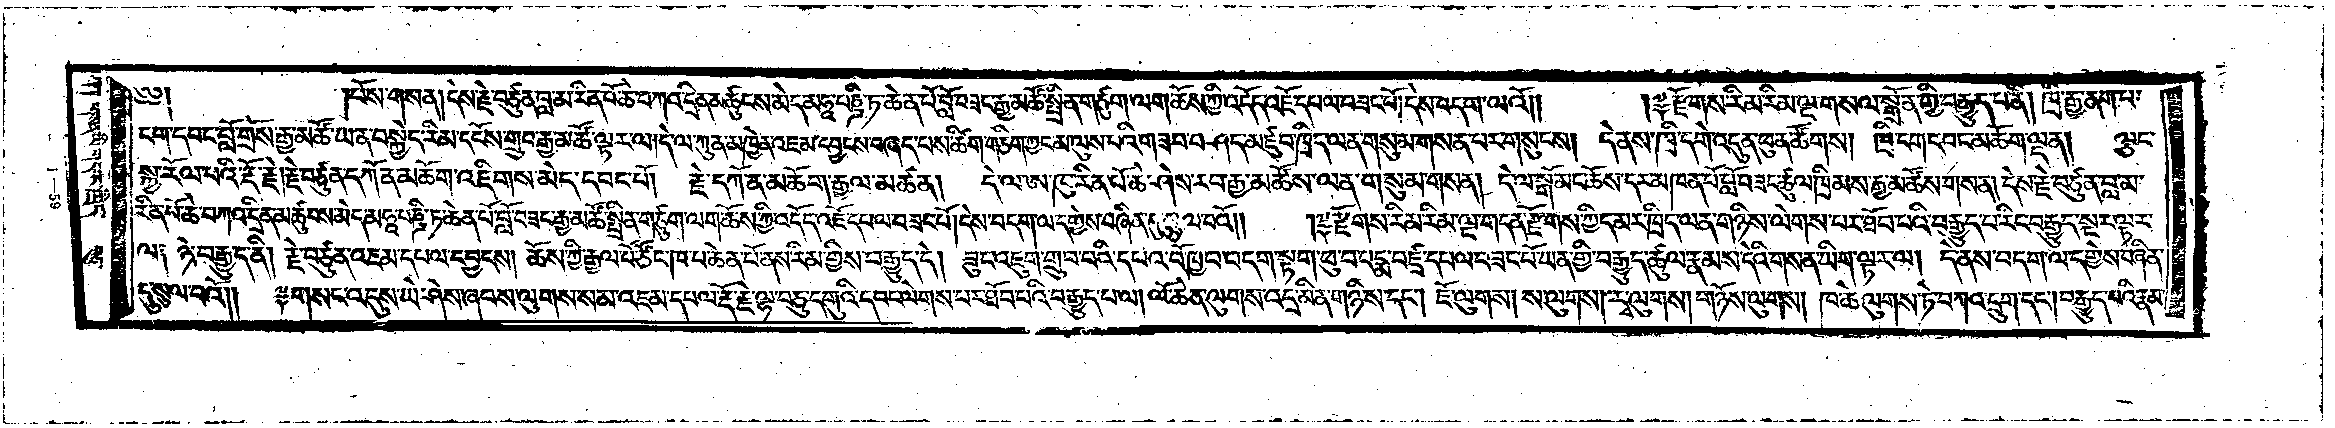༄༅། །པོས་གསན། དེས་རྗེ་བཙུན་བླ་མ་རིན་པོ་ཆེ་བཀའ་དྲིན་མཚོངས་མེད་མཧཱ་པཎྜི་ཏ་ཆེན་པོ་བློ་བཟང་རྒྱ་མཚོ་སྤྲིན་གཙུག་ལག་ཆོས་ཀྱི་འདོད་འཇོ་དཔལ་བཟང་པོ། དེས་བདག་ལའོ།། །༈ རྫོགས་རིམ་རིམ་ལྔ་གསལ་སྒྲོན་གྱི་བརྒྱུད་པ་ནི། ཁྲི་རྒྱ་ནག་པ་
ངག་དབང་བློ་གྲོས་རྒྱ་མཚོ་ཡན་བསྐྱེད་རིམ་དངོས་གྲུབ་རྒྱ་མཚོ་ལྟར་ལ། དེ་ལ་ཀུན་མཁྱེན་འཇམ་དབྱངས་བཤད་པས་ཚིག་གཅིག་ཀྱང་མ་ལུས་པའི་གཟབ་བཤད་མཛུབ་ཁྲིད་ལན་གསུམ་གསན་པར་གསུངས། དེ་ནས་ཁྲི་དགེ་འདུན་ཕུན་ཚོགས། ཁྲི་ངག་དབང་མཆོག་ལྡན། ལྕང་
སྐྱ་རོལ་པའི་རྡོ་རྗེ་རྗེ་བཙུན་དཀོན་མཆོག་འཇིགས་མེད་དབང་པོ། རྗེ་དཀོན་མཆོག་རྒྱལ་མཚན། དེ་ལ་ཨ་ཁུ་རིན་པོ་ཆེ་ཤེས་རབ་རྒྱ་མཚོས་ལན་གསུམ་གསན། དེ་ལ་སྒོ་མང་ཆོས་དར་མཁན་པོ་བློ་བཟང་ཚུལ་ཁྲིམས་རྒྱ་མཚོས་གསན། དེས་རྗེ་བཙུན་བླ་མ་
རིན་པོ་ཆེ་བཀའ་དྲིན་མཚུངས་མེད་མྷཱ་པཎྜི་ཏ་ཆེན་པོ་བློ་བཟང་རྒྱ་མཚོ་སྤྲིན་གཙུག་ལག་ཆོས་ཀྱི་འདོད་འཇོ་དཔལ་བཟང་པོ། དེས་བདག་ལ་དགྱེས་བཞིན་དུ་སྩལ་བའོ།། །༈རྫོགས་རིམ་རིམ་ལྔ་གདན་རྫོགས་ཀྱི་དམར་ཁྲིད་ལན་གཉིས་ལེགས་པར་ཐོབ་པའི་བརྒྱུད་པ་རིང་བརྒྱུད་སྔར་ལྟར་
ལ༑ ཉེ་བརྒྱུད་ནི། རྗེ་བཙུན་འཇམ་དཔལ་དབྱངས། ཆོས་ཀྱི་རྒྱལ་པོ་ཙོང་ཁ་པ་ཆེན་པོ་ནས་རིམ་གྱིས་བརྒྱུད་དེ། ཟུང་འཇུག་གྲུབ་བའི་དཔལ་བོ་ཁྱབ་བདག་སྟག་ཕུ་བ་པདམ་བཛྲ་དཔལ་བཟང་པོ་ཡན་གྱི་བརྒྱུད་ཚུལ་རྣམས་དེའི་གསན་ཡིག་ལྟར་ལ། དེ་ནས་བདག་ལ་དགྱེས་བཞིན་
དུ་སྩལ་བའོ།། ༈གསང་འདུས་ཡེ་ཤེས་ཞབས་ལུགས་སམ་འཇམ་དཔལ་རྡོ་རྗེ་ལྷ་བུ་དགུའི་དབང་ལེགས་པར་ཐོབ་པའི་བརྒྱུད་པ་ལ། ལོ་ཆེན་ལུགས་འདྲ་མིན་གཉིས་དང་། ཇོ་ལུགས། ས་ལུགས། རྭ་ལུགས། གཉིས་ལུགས། ཁ་ཆེ་ལུགས་ཏེ་བཀའ་དྲུག་དང་། བརྒྱུད་པའི་རྣམ་